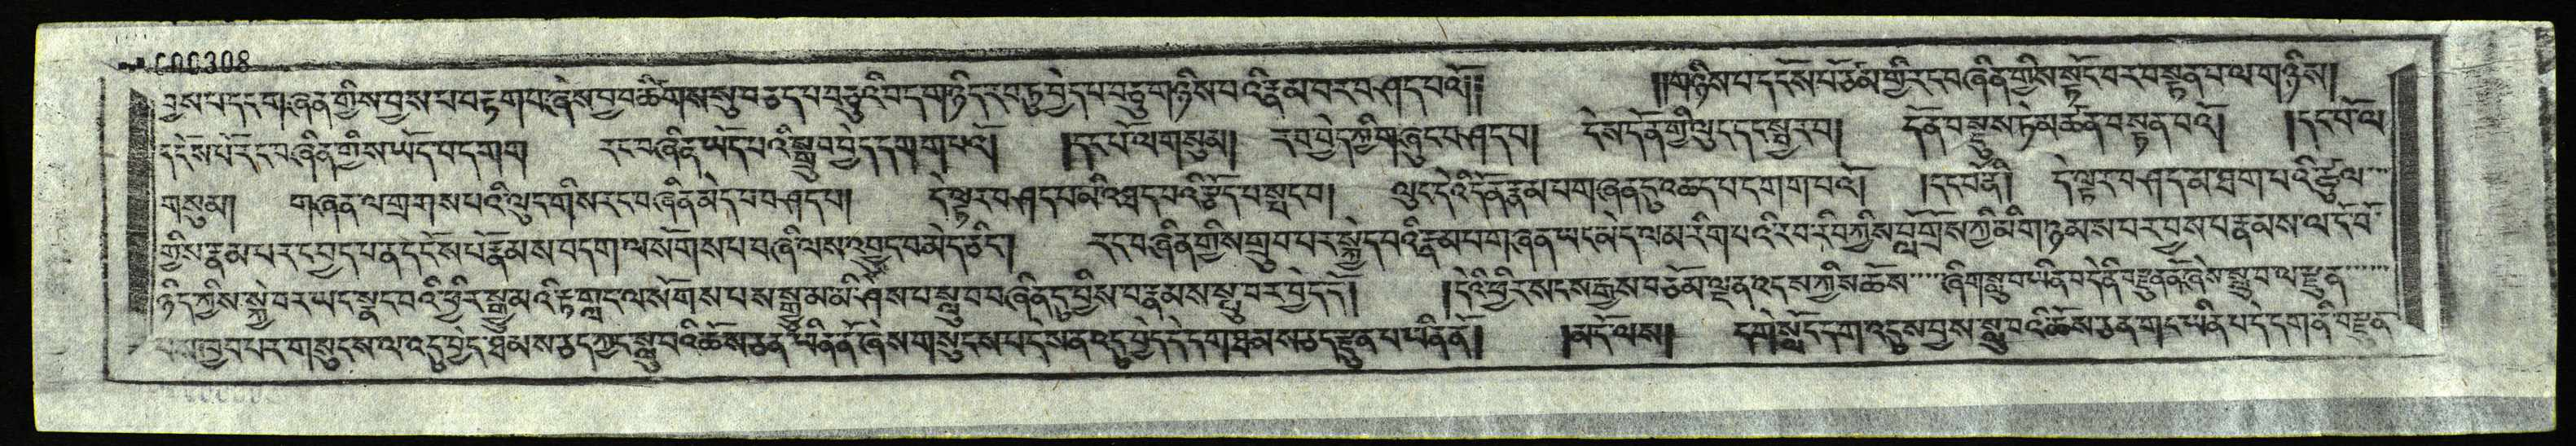བྱས་པ་དང་གཞན་གྱིས་བྱས་པ་བརྟག་པ་ཞེས་བྱ་བ་ཚིགས་སུ་བཅད་པ་བཅུའི་བདག་ཉིད་རབ་ཏུ་བྱེད་པ་བཅུ་གཉིས་པའི་རྣམ་པར་བཤད་པའོ།། །།གཉིས་པ་དངོས་པོ་ཙམ་གྱི་རང་བཞིན་གྱིས་སྟོང་བར་བསྟན་པ་ལ་གཉིས།
དངོས་པོ་རང་བཞིན་གྱིས་ཡོད་པ་དགག་རང་བཞིན་ཡོད་པའི་སྒྲུབ་བྱེད་དགག་པའོ། །དང་པོ་ལ་གསུམ། རབ་བྱེད་ཀྱི་གཞུང་བཤད་པ། དེས་དོན་གྱི་ལུང་དང་སྦྱར་བ། དོན་བསྡུས་ཏེ་མཚན་བསྟན་པའོ། །དང་པོ་ལ་
གསུམ། གཞན་ལ་གྲགས་པའི་ལུང་གིས་རང་བཞིན་མེད་པ་བཤད་པ། དེ་ལྟར་བཤད་པ་མི་འཐད་པའི་རྩོད་པ་སྤང་བ། ལུང་དེའི་དོན་རྣམ་པ་གཞན་དུ་འཆད་པ་དགག་པའོ། །དང་པོ་ནི། དེ་ལྟར་བཤད་མ་ཐག་པའི་ཚུལ་
གྱིས་རྣམ་པར་དཔྱད་པ་ན་དངོས་པོ་རྣམས་བདག་ལ་སོགས་པ་བཞི་ལས་འབྱུང་བ་མེད་ཅིང་། རང་བཞིན་གྱིས་གྲུབ་པར་སྐྱེད་པའི་རྣམ་པ་གཞན་ཡང་མེད་ལམ་རིག་པའི་རབ་རིབ་ཀྱིས་བློ་གྲོས་ཀྱི་མིག་ཉམས་པར་བྱས་པ་རྣམས་ལ་ངོ་བོ་
ཉིད་ཀྱིས་སྐྱེ་བར་ཡང་སྣང་བའི་ཕྱིར་སྒྱུ་མའི་རྟ་གླང་ལ་སོགས་པས་སྒྱུ་མ་མི་ཤེས་པ་སླུ་བ་བཞིན་དུ་བྱིས་པ་རྣམས་སླུ་བར་བྱེད་དོ། །དེའི་ཕྱིར་སངས་རྒྱས་བཅོམ་ལྡན་འདས་ཀྱིས་ཆོས་ཞིག་སླུ་བ་ཡིན་པ་དེ་ནི་བརྫུན་ནོ་ཞེས་སླུ་བ་ལ་རྫུན་
པས་ཁྱབ་པར་གསུངས་ལ་འདུ་བྱེད་ཐམས་ཅད་ཀྱང་སླུ་བའི་ཆོས་ཅན་ཡིན་ནོ་ཞེས་གསུངས་པ་དེས་ན་འདུ་བྱེད་དེ་དག་ཐམས་ཅད་རྫུན་པ་ཡིན་ནོ། །མདོ་ལས། དགེ་སློང་དག་འདུས་བྱས་སླུ་བའི་ཆོས་ཅན་གང་ཡིན་པ་དེ་དག་ནི་བརྫུན་